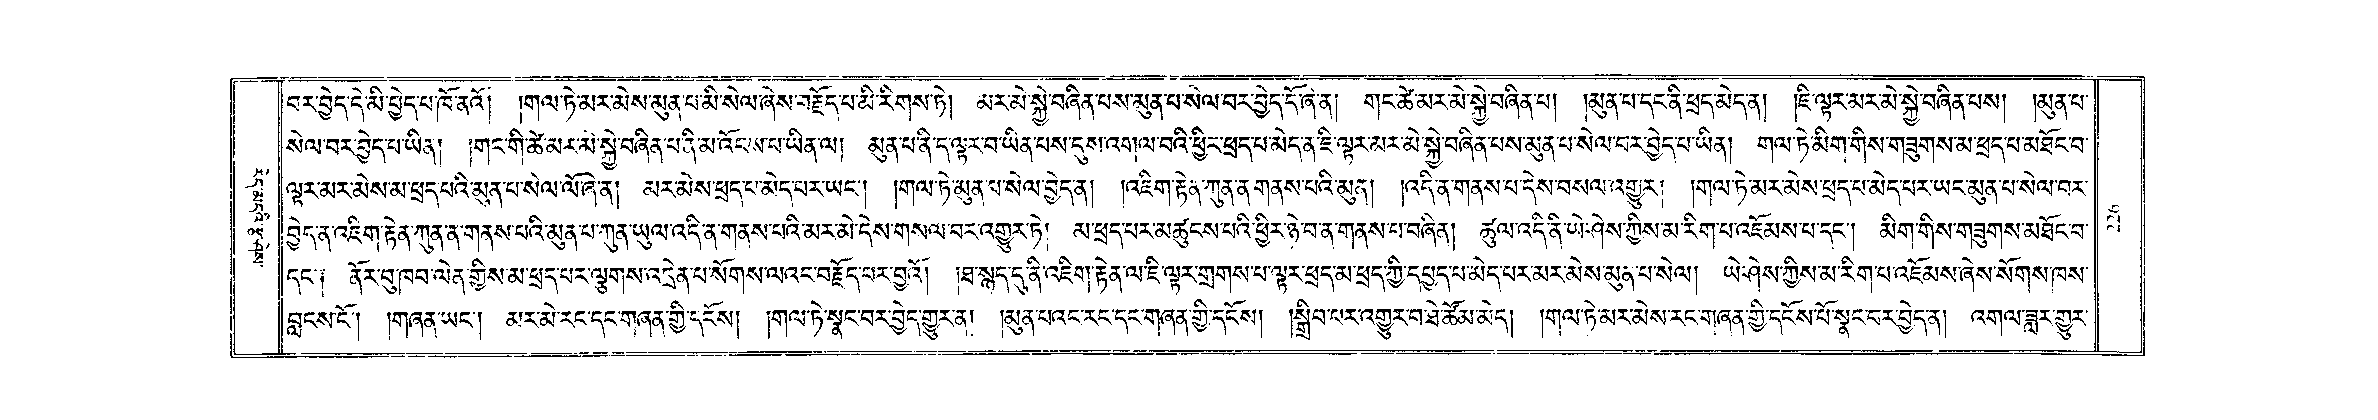བར་བྱེད་དེ་མི་བྱེད་པ་ཁོ་ནའོ། །གལ་ཏེ་མར་མེས་མུན་པ་མི་སེལ་ཞེས་བརྗོད་པ་མི་རིགས་ཏེ། མར་མེ་སྐྱེ་བཞིན་པས་མུན་པ་སེལ་བར་བྱེད་དོ་ཞེ་ན། གང་ཚེ་མར་མེ་སྐྱེ་བཞིན་པ། །མུན་པ་དང་ནི་ཕྲད་མེད་ན། །ཇི་ལྟར་མར་མེ་སྐྱེ་བཞིན་པས། །མུན་པ་
སེལ་བར་བྱེད་པ་ཡིན། །གང་གི་ཚེ་མར་མེ་སྐྱེ་བཞིན་པ་ནི་མ་འོངས་པ་ཡིན་ལ། མུན་པ་ནི་ད་ལྟར་བ་ཡིན་པས་དུས་འགལ་བའི་ཕྱིར་ཕྲད་པ་མེད་ན་ཇི་ལྟར་མར་མེ་སྐྱེ་བཞིན་པས་མུན་པ་སེལ་བར་བྱེད་པ་ཡིན། གལ་ཏེ་མིག་གིས་གཟུགས་མ་ཕྲད་པ་མཐོང་བ་
ལྟར་མར་མེས་མ་ཕྲད་པའི་མུན་པ་སེལ་ལོ་ཞེ་ན། མར་མེས་ཕྲད་པ་མེད་པར་ཡང་། །གལ་ཏེ་མུན་པ་སེལ་བྱེད་ན། །འཇིག་རྟེན་ཀུན་ན་གནས་པའི་མུན། །འདི་ན་གནས་པ་དེས་བསལ་འགྱུར། །གལ་ཏེ་མར་མེས་ཕྲད་པ་མེད་པར་ཡང་མུན་པ་སེལ་བར་
བྱེད་ན་འཇིག་རྟེན་ཀུན་ན་གནས་པའི་མུན་པ་ཀུན་ཡུལ་འདི་ན་གནས་པའི་མར་མེ་དེས་གསལ་བར་འགྱུར་ཏེ། མ་ཕྲད་པར་མཚུངས་པའི་ཕྱིར་ཉེ་བ་ན་གནས་པ་བཞིན། ཚུལ་འདི་ནི་ཡེ་ཤེས་ཀྱིས་མ་རིག་པ་འཇོམས་པ་དང་། མིག་གིས་གཟུགས་མཐོང་བ་
དང༑ ནོར་བུ་ཁབ་ལེན་གྱིས་མ་ཕྲད་པར་ལྕགས་འདྲེན་པ་སོགས་ལའང་བརྗོད་པར་བྱའོ། །ཐ་སྙད་དུ་ནི་འཇིག་རྟེན་ལ་ཇི་ལྟར་གྲགས་པ་ལྟར་ཕྲད་མ་ཕྲད་ཀྱི་དཔྱད་པ་མེད་པར་མར་མེས་མུན་པ་སེལ། ཡེ་ཤེས་ཀྱིས་མ་རིག་པ་འཇོམས་ཞེས་སོགས་ཁས་
བླངས་ངོ། །གཞན་ཡང་། མར་མེ་རང་དང་གཞན་གྱི་དངོས། །གལ་ཏེ་སྣང་བར་བྱེད་གྱུར་ན། །མུན་པའང་རང་དང་གཞན་གྱི་དངོས། །སྒྲིབ་པར་འགྱུར་བ་ཐེ་ཚོམ་མེད། །གལ་ཏེ་མར་མེས་རང་གཞན་གྱི་དངོས་པོ་སྣང་བར་བྱེད་ན། འགལ་ཟླར་གྱུར་